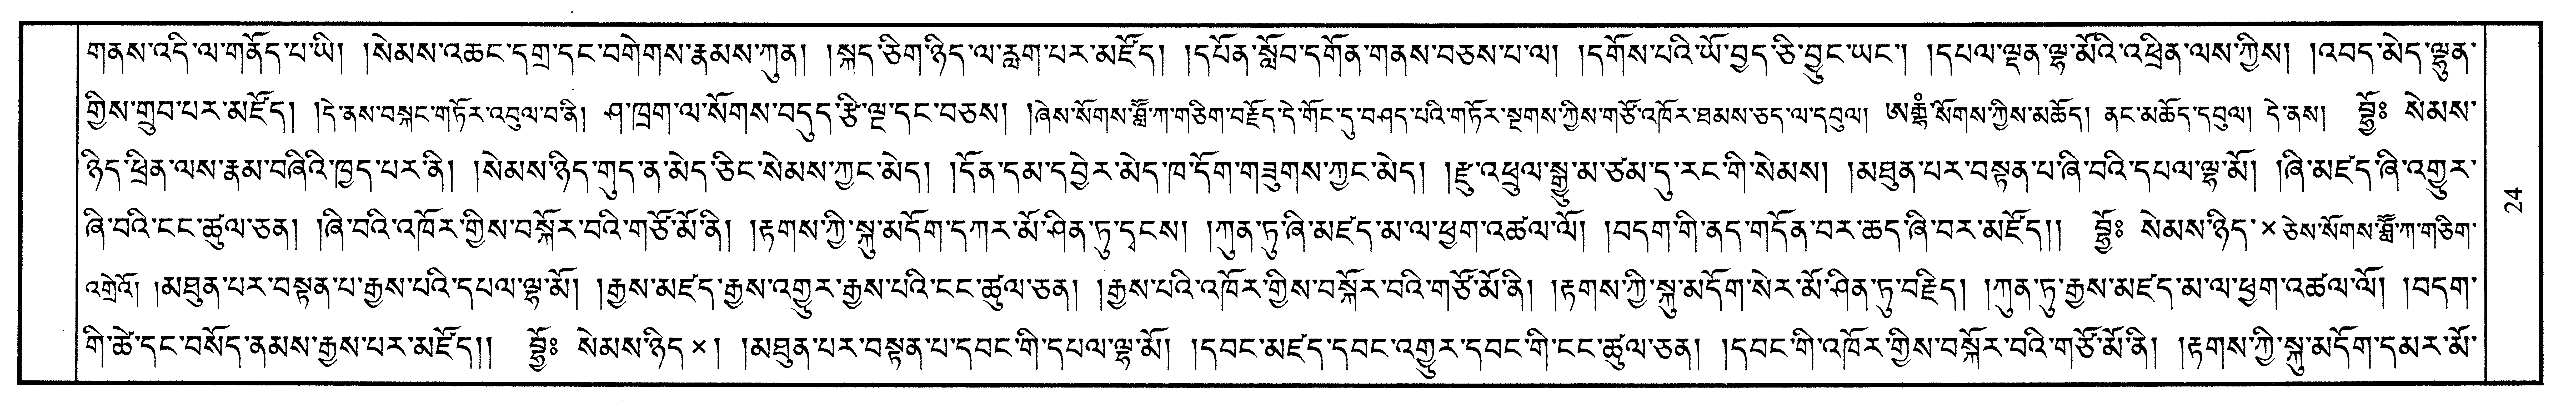གནས་འདི་ལ་གནོད་པ་ཡི། །སེམས་འཆང་དགྲ་དང་བགེགས་རྣམས་ཀུན། །སྐད་ཅིག་ཉིད་ལ་རླག་པར་མཛོད། །དཔོན་སློབ་དགོན་གནས་བཅས་པ་ལ། །དགོས་པའི་ཡོ་བྱད་ཅི་བྱུང་ཡང་། །དཔལ་ལྡན་ལྷ་མོའི་འཕྲིན་ལས་ཀྱིས། །འབད་མེད་ལྷུན་
གྱིས་གྲུབ་པར་མཛོད། །དེ་ནས་བསྐང་གཏོར་འབུལ་བ་ནི། ཤ་ཁྲག་ལ་སོགས་བདུད་རྩི་ལྔ་དང་བཅས། །ཞེས་སོགས་ཤླཽ་ཀ་གཅིག་བརྗོད་དེ་གོང་དུ་བཤད་པའི་གཏོར་སྔགས་ཀྱིས་གཙོ་འཁོར་ཐམས་ཅད་ལ་དབུལ། ཨརྒྷཾ་སོགས་ཀྱིས་མཆོད། ནང་མཆོད་དབུལ། དེ་ནས། བྷྱོཿ སེམས་
ཉིད་ཕྲིན་ལས་རྣམ་བཞིའི་ཁྱད་པར་ནི། །སེམས་ཉིད་གུད་ན་མེད་ཅིང་སེམས་ཀྱང་མེད། །དོན་དམ་དབྱེར་མེད་ཁ་དོག་གཟུགས་ཀྱང་མེད། །རྫུ་འཕྲུལ་སྒྱུ་མ་ཙམ་དུ་རང་གི་སེམས། །མཐུན་པར་བསྟན་པ་ཞི་བའི་དཔལ་ལྷ་མོ། །ཞི་མཛད་ཞི་འགྱུར་
ཞི་བའི་ངང་ཚུལ་ཅན། །ཞི་བའི་འཁོར་གྱིས་བསྐོར་བའི་གཙོ་མོ་ནི། །རྟགས་ཀྱི་སྐུ་མདོག་དཀར་མོ་ཤིན་ཏུ་དྭངས། །ཀུན་ཏུ་ཞི་མཛད་མ་ལ་ཕྱག་འཚལ་ལོ། །བདག་གི་ནད་གདོན་བར་ཆད་ཞི་བར་མཛོད།།
བྷྱོཿ སེམས་ཉིད་྾་ཅེས་སོགས་ཤླཽ་ཀ་གཅིགྰྒྲེའོ། །མཐུན་པར་བསྟན་པ་རྒྱས་པའི་དཔལ་ལྷ་མོ། །རྒྱས་མཛད་རྒྱས་འགྱུར་རྒྱས་པའི་ངང་ཚུལ་ཅན། །རྒྱས་པའི་འཁོར་གྱིས་བསྐོར་བའི་གཙོ་མོ་ནི། །རྟགས་ཀྱི་སྐུ་མདོག་སེར་མོ་ཤིན་ཏུ་བརྗིད། །ཀུན་ཏུ་རྒྱས་མཛད་མ་ལ་ཕྱག་འཚལ་ལོ། །བདག་
གི་ཚེ་དང་བསོད་ནམས་རྒྱས་པར་མཛོད།། བྷྱོཿ སེམས་ཉིད་྾། །མཐུན་པར་བསྟན་པ་དབང་གི་དཔལ་ལྷ་མོ། །དབང་མཛད་དབང་འགྱུར་དབང་གི་ངང་ཚུལ་ཅན། །དབང་གི་འཁོར་གྱིས་བསྐོར་བའི་གཙོ་མོ་ནི། །རྟགས་ཀྱི་སྐུ་མདོག་དམར་མོ་